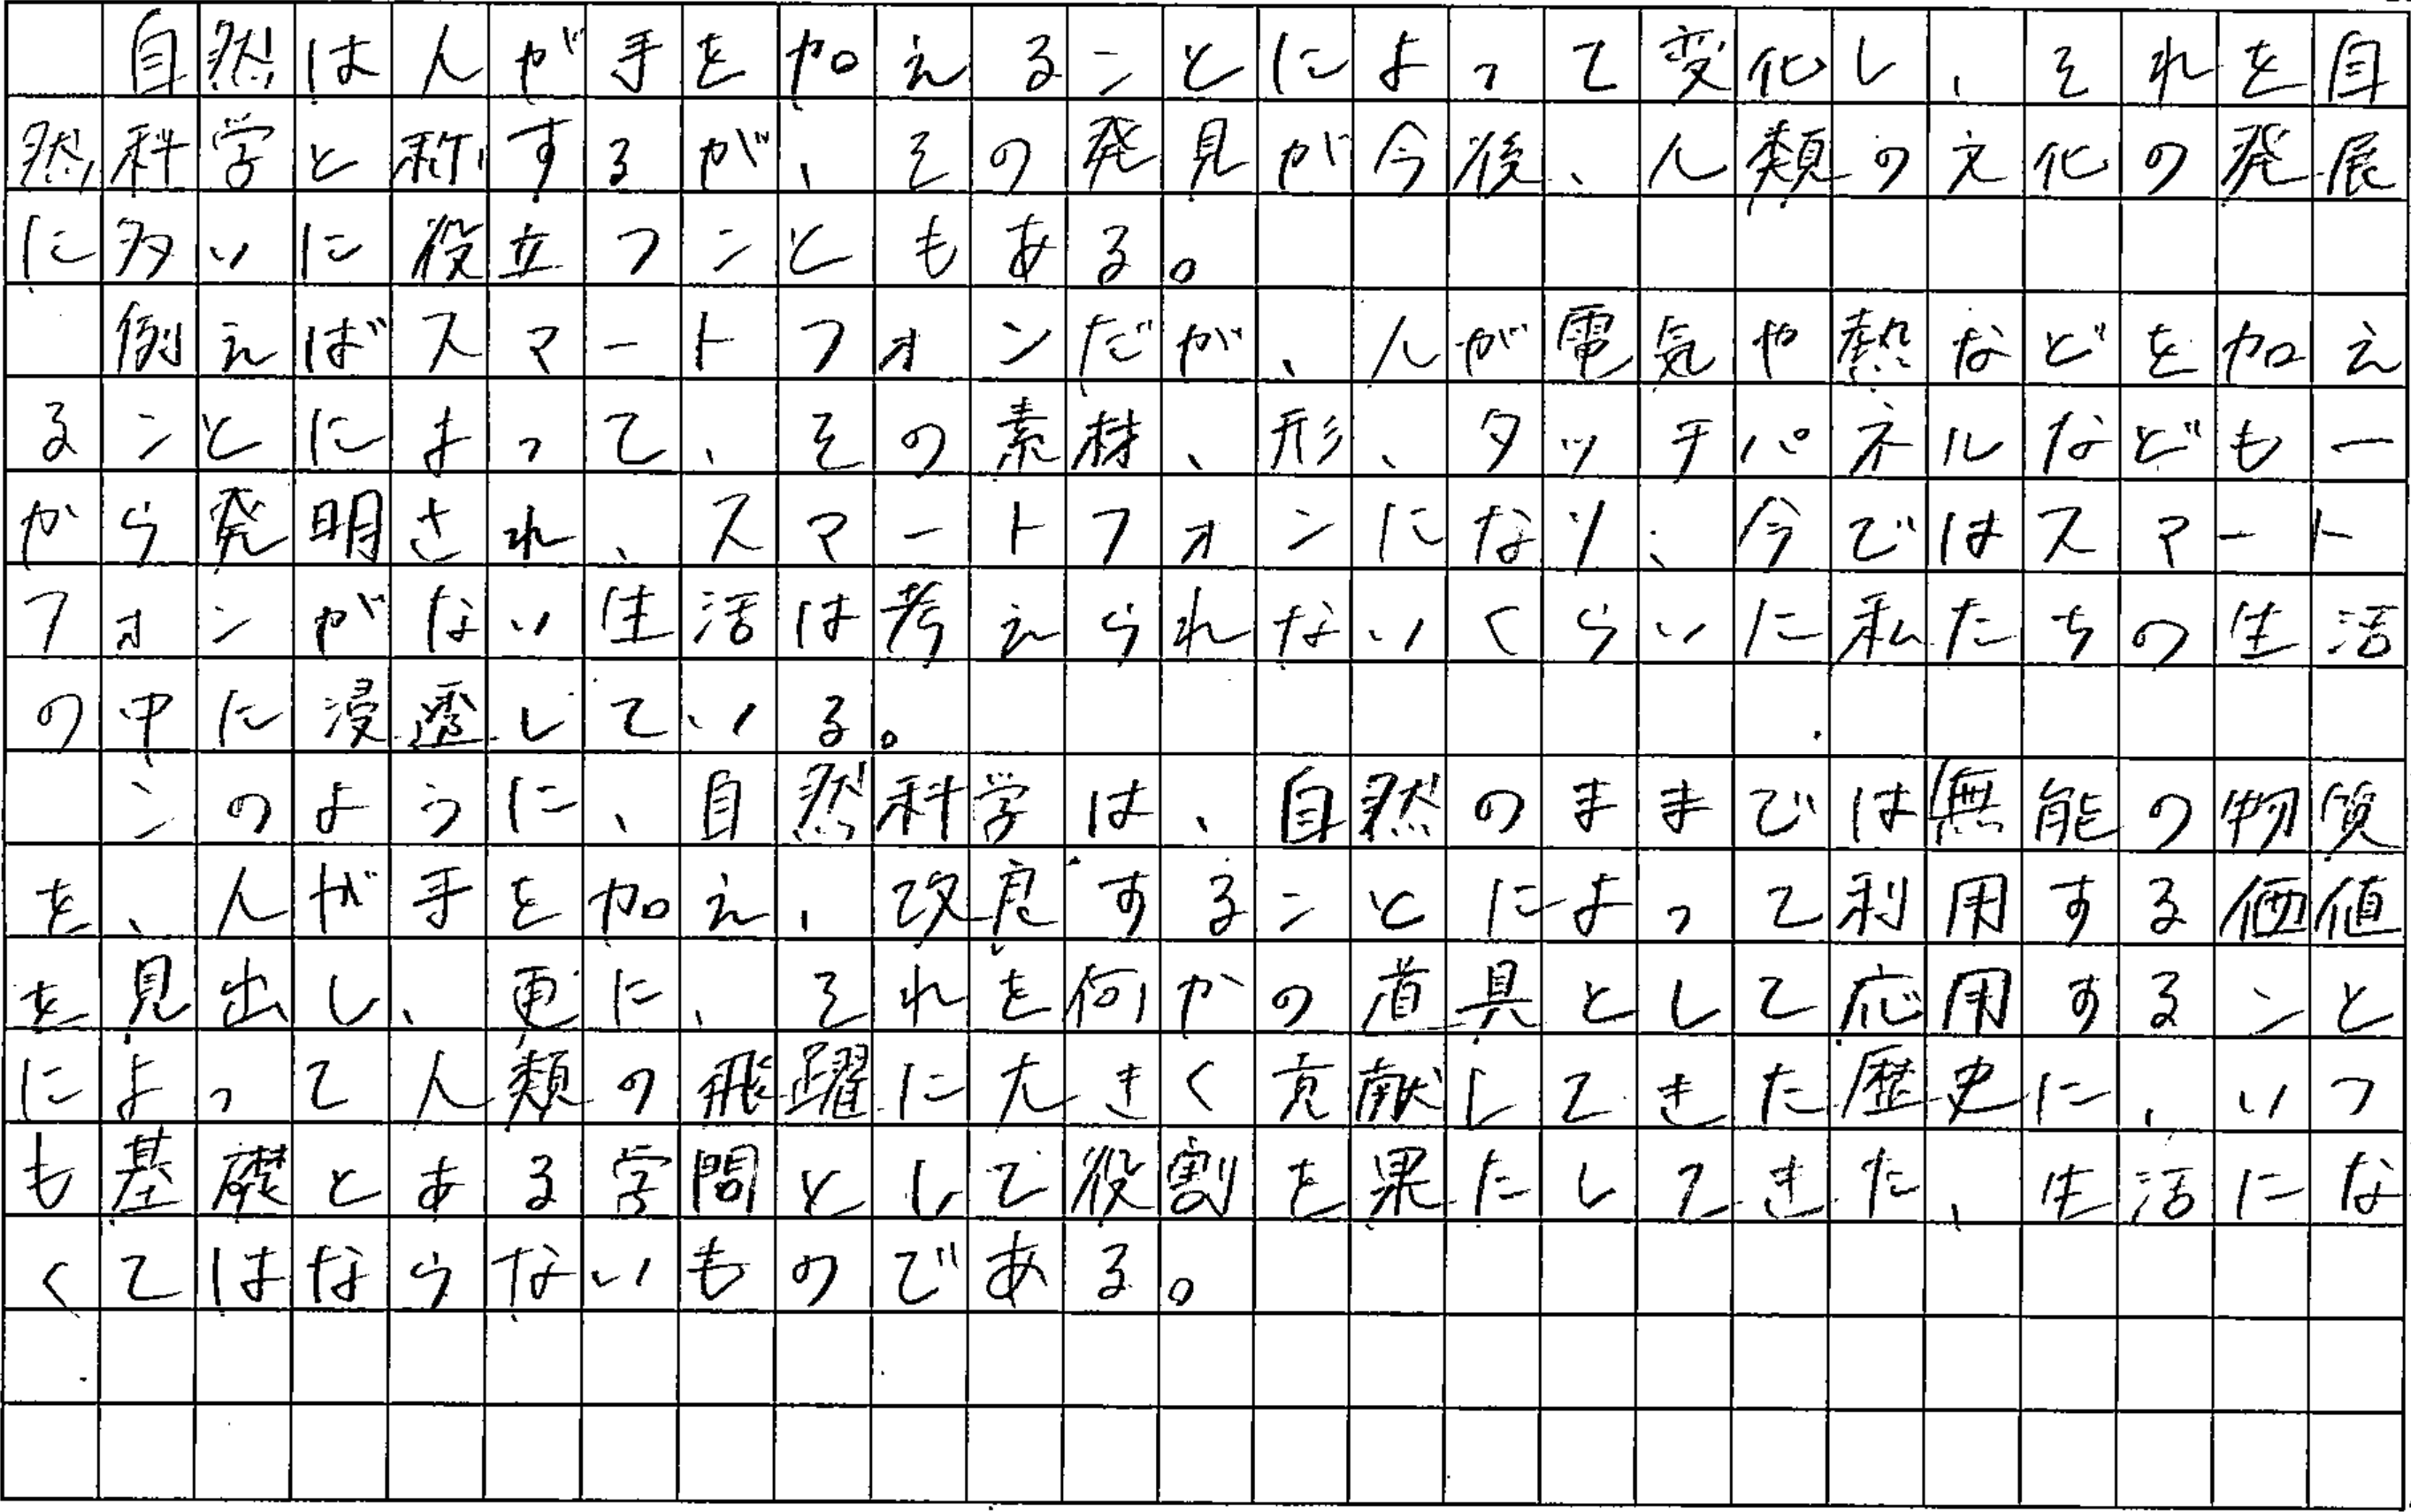　自然は人が手を加えることによって変化し、それを自然科学と称するが、その発見が今後、人類の文化の発展に多いに役立つこともある。
　例えばスマートフォンだが、人が電気や熱などを加えることによって、その素材、形、タッチパネルなども一から発明され、スマートフォンになり、今ではスマートフォンがない生活は考えられないくらいに私たちの生活の中に浸透している。
　このように、自然科学は、自然のままでは無能の物質を、人が手を加え、改良することによって利用する価値を見出し、更に、それを何かの道具として応用することによって人類の飛躍に大きく貢献してきた歴史に、いつも基礎とある学問として役割を果たしてきた、生活になくてはならないものである。
